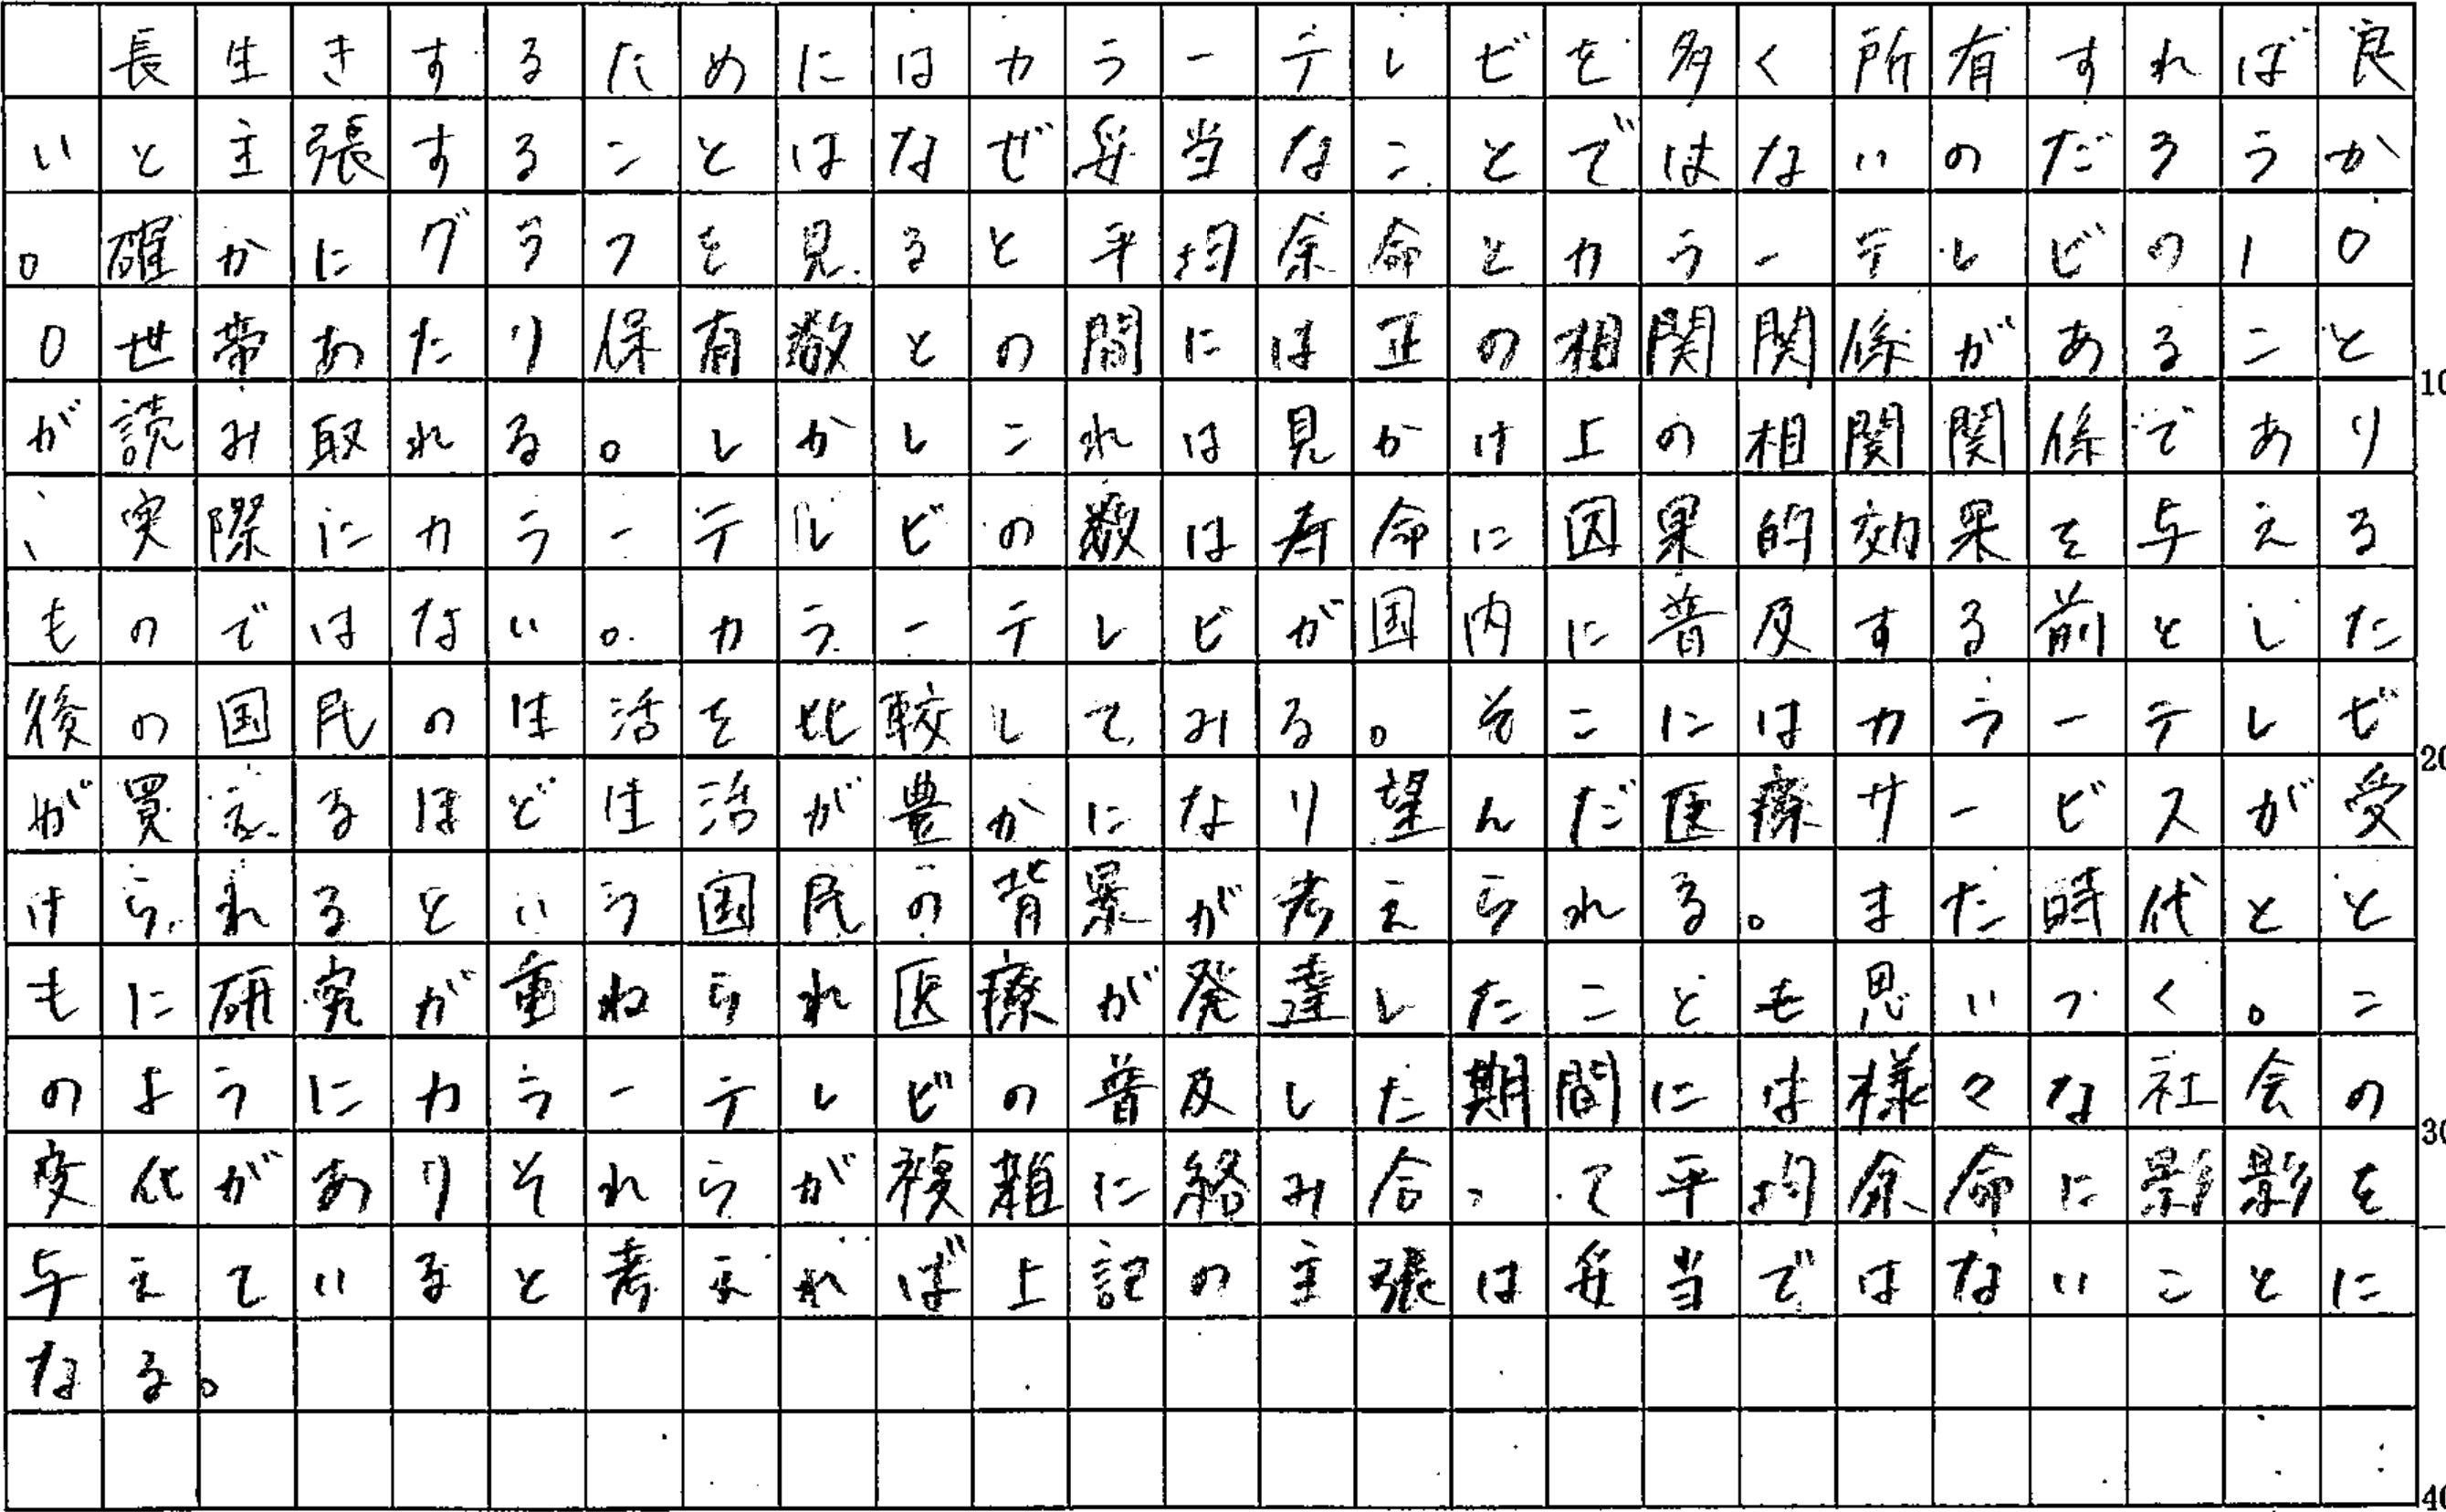　長生きするめためにはカラーテレビを多く所有すれば良いと主張することはなぜ妥当なことではないのだろうか。確かにグラフを見ると平均余命とカラーテレビの１００世帯あたり保有数との間には正の相関関係があることが読み取れる。しかしこれは見かけ上の相関関係であり、実際にカラーテレビの数は寿命に因果的効果を与えるものではない。カラーテレビが国内に普及する前とした後の国民の生活を比較してみる。そこにはカラーテレビが買えるほど生活が豊かになり望んだ医療サービスが受けられるという国民の背景が考えられる。また時代とともに研究が重ねられ医療が発達したことも思いつく。このようにカラーテレビの普及した期間には様々な社会の変化がありそれらが複雑に絡み合って平均余命に影影を与えていると考えれば上記の主張は妥当ではないことになる。
